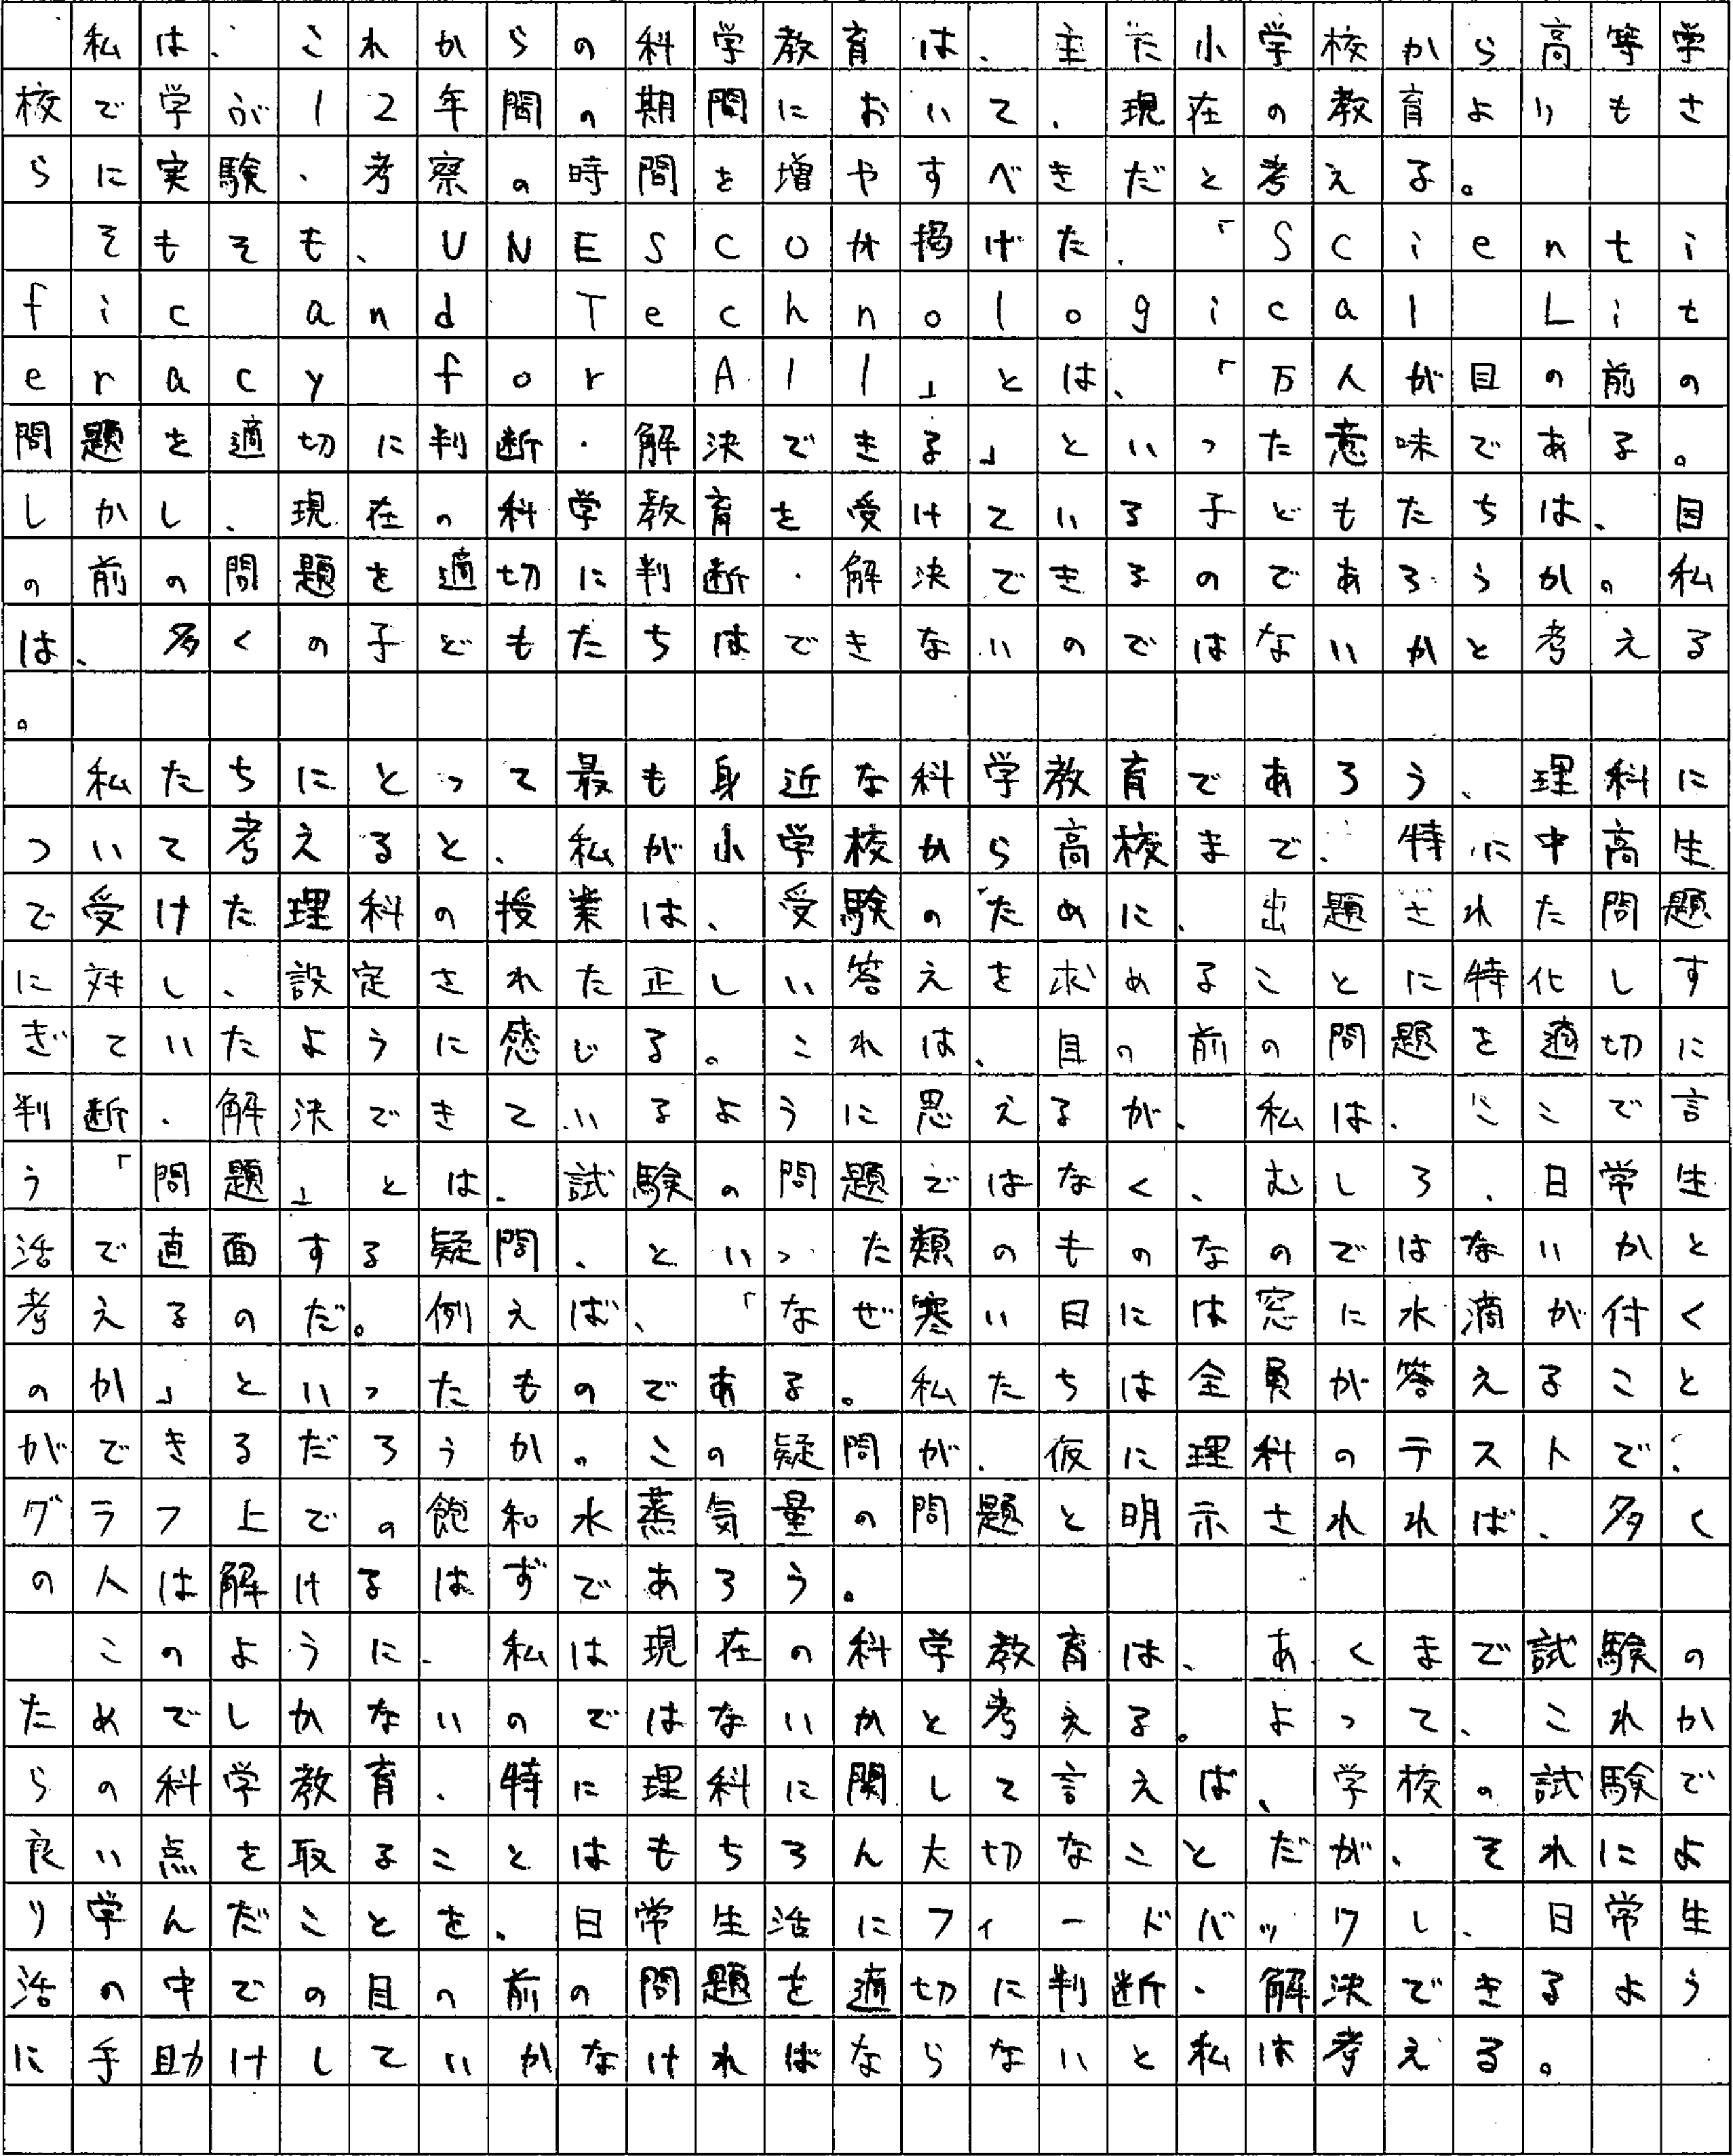　私は、これからの科学教育は、主に小学校から高等学校で学ぶ１２年間の期間において、現在の教育よりもさらに実験・考察の時間を増やすべきだと考える。
　そもそも、ＵＮＥＳＣＯが掲げた、「Ｓｃｉｅｎｔｉｆｉｃ　ａｎｄ　Ｔｅｃｈｎｏｌｏｇｉｃａｌ　Ｌｉｔｅｒａｃｙ　ｆｏｒ　Ａｌｌ」とは、「万人が目の前の問題を適切に判断・解決できる」といった意味である。しかし、現在の科学教育を受けている子どもたちは、目の前の問題を適切に判断・解決できるのであろうか。私は、多くの子どもたちはできないのではないかと考える。
　私たちにとって最も身近な科学教育であろう、理科について考えると、私が小学校から高校まで、特に中高生で受けた理科の授業は、受験のために、出題された問題に対し、設定された正しい答えを求めることに特化しすぎていたように感じる。これは、目の前の問題を適切に判断・解決できているように思えるが、私は、ここでいう「問題」とは、試験の問題ではなく、むしろ、日常生活で直面する疑問、といった類のものなのではないかと考えるのだ。例えば、「なぜ寒い日には窓に水滴が付くのか」といったものである。私たちは全員が答えることができるだろうか。この疑問が、仮に理科のテストで、グラフ上での飽和水蒸気量の問題と明示されれば、多くの人は解けるはずであろう。
　このように、私は現在の科学教育は、あくまで試験のためでしかないのではないかと考える。よって、これからの科学教育、特に理科に関して言えば、学校の試験で良い点を取ることはもちろん大切なことだが、それにより学んだことを、日常生活にフィードバックし、日常生活の中での目の前の問題を適切に判断・解決できるように手助けしていかなければならないと私は考える。
